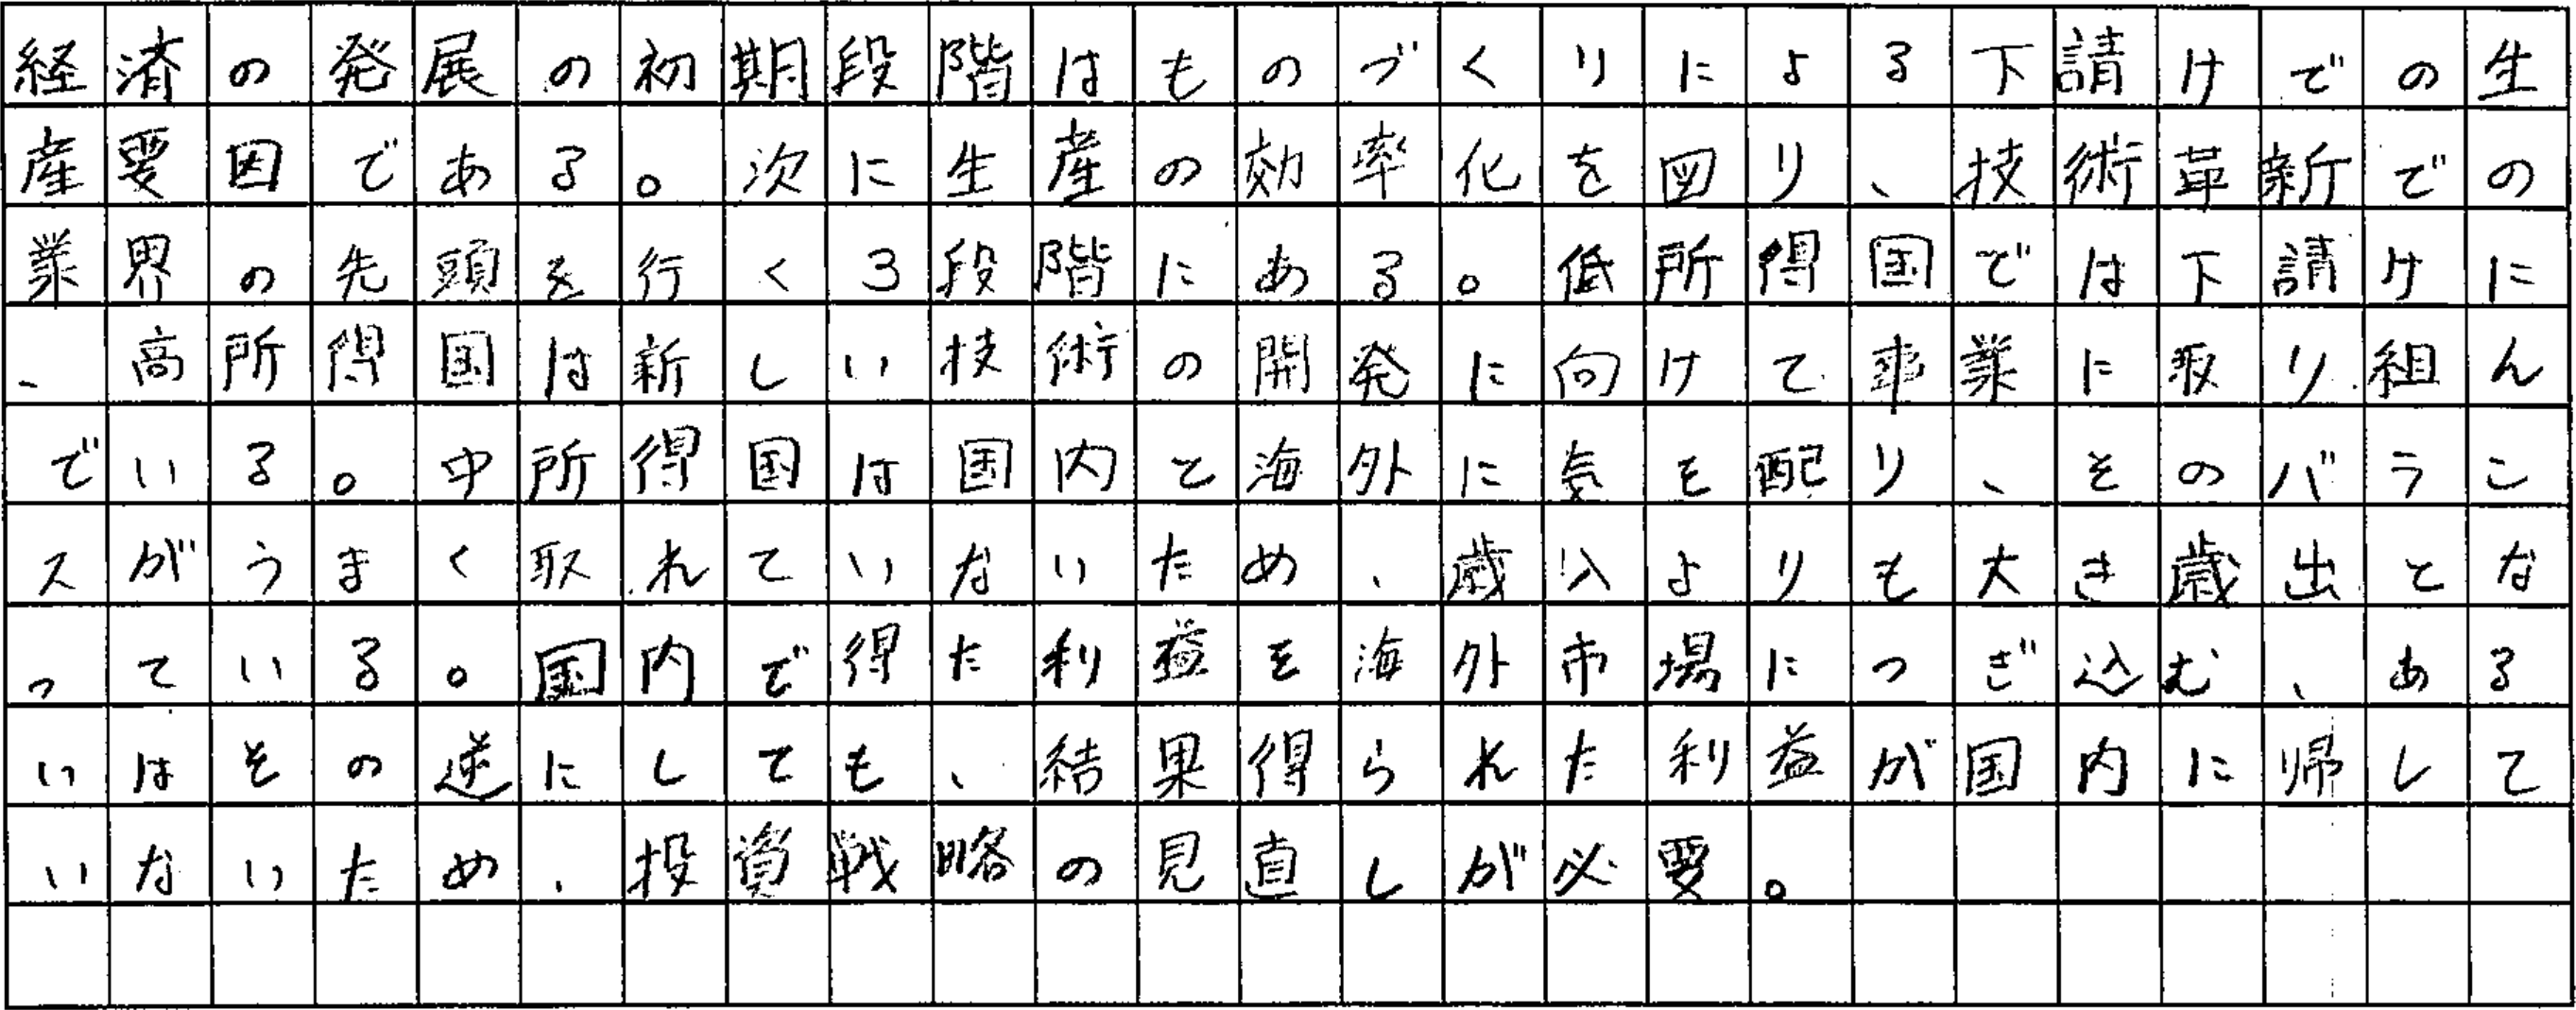経済の発展の初期段階はものづくりによる下請けでの生産要因である。次に生産の効率化を図り、技術革新での業界の先頭を行く３段階にある。低所得国では下請けに、高所得国は新しい技術の開発に向けて事業に取り組んでいる。中所得国は国内と海外に気を配り、そのバランスがうまく取れていないため、歳入よりも大き歳出となっている。国内で得た利益を海外市場につぎ込む、あるいはその逆にしても、結果得られた利益が国内に▁していないため、投資戦略の見直しが必要。
